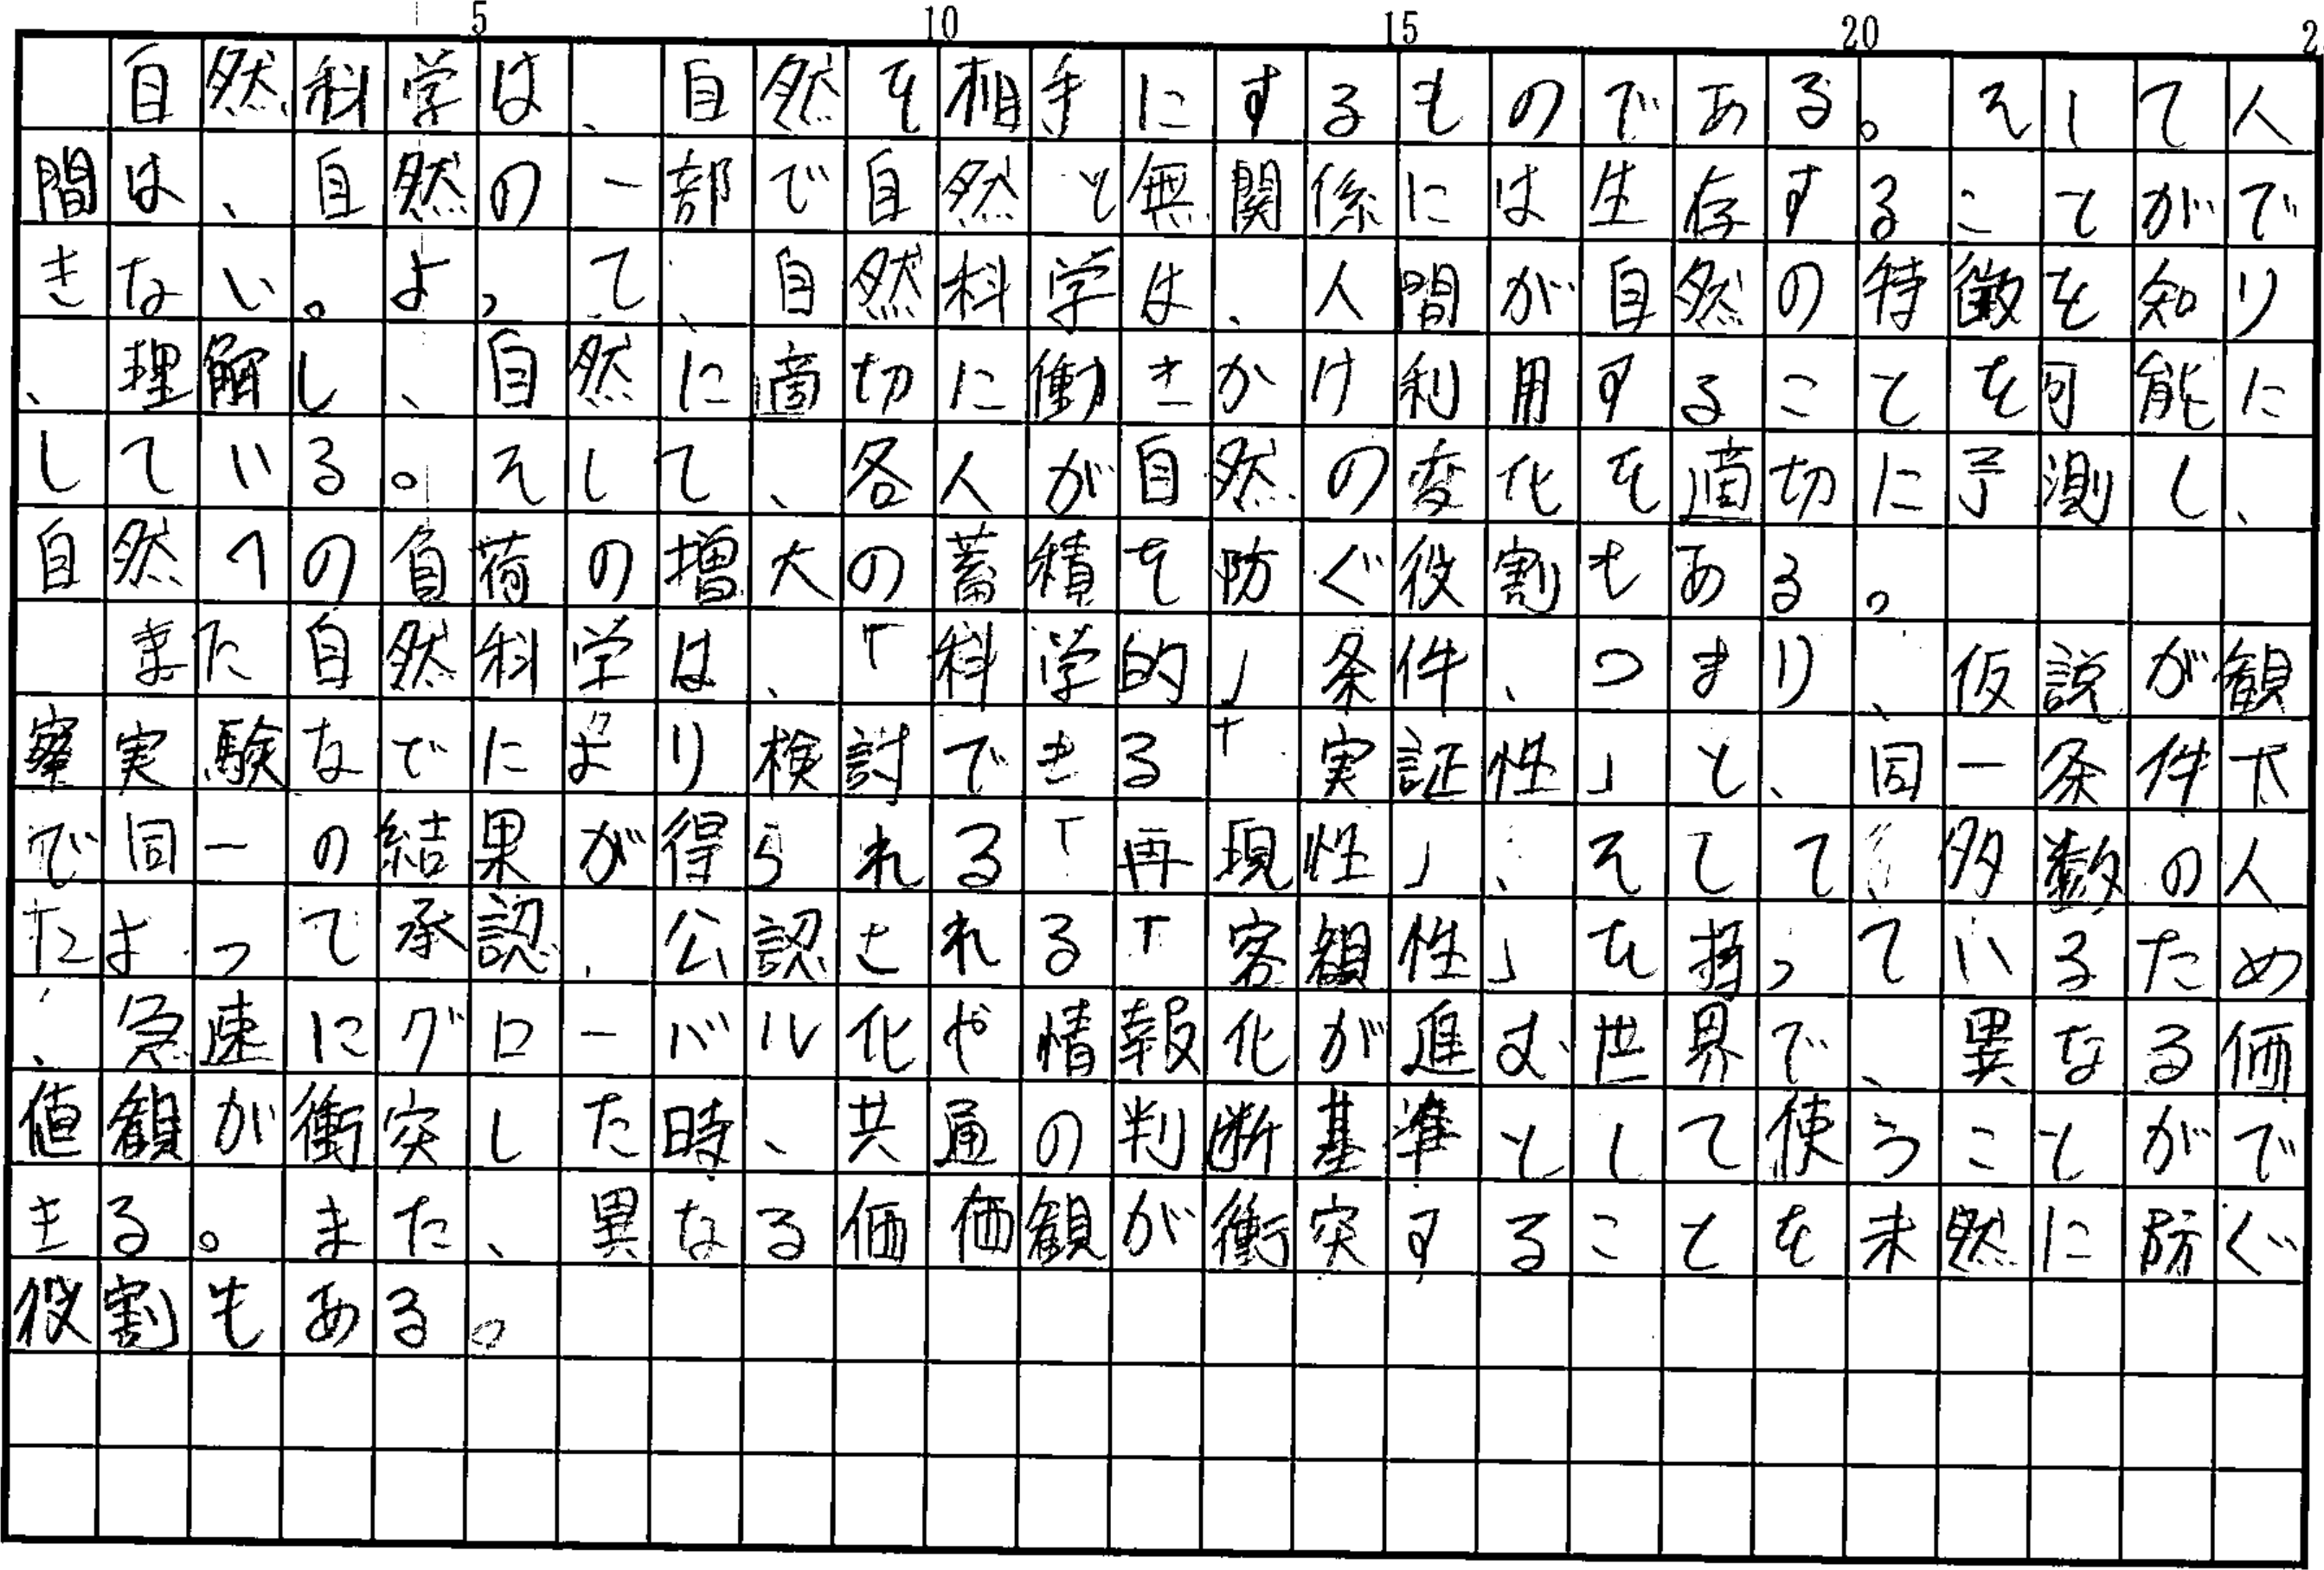　自然科学は、自然を相手にするものである。そして人間は、自然の一部で自然と無関係には生存することができない。よって、自然科学は、人間が自然の特徴を知り、理解し、自然に適切に働きかけ利用することを可能にしている。そして、各人が自然の変化を適切に予測し、自然への負荷の増大の蓄積を防ぐ役割もある。
　また自然科学は、「科学的」条件、つまり、仮説が観察実験などにより検討できる「実証性」と、同一条件下で同一の結果が得られる「再現性」、そして、多数の人によって承認、公認される「客観性」を持っているため、急速にグローバル化や情報化が進む世界で、異なる価値観が衝突した時、共通の判断基準として使うことができる。また、異なる価価観が衝突することを未然に防ぐ役割もある。
